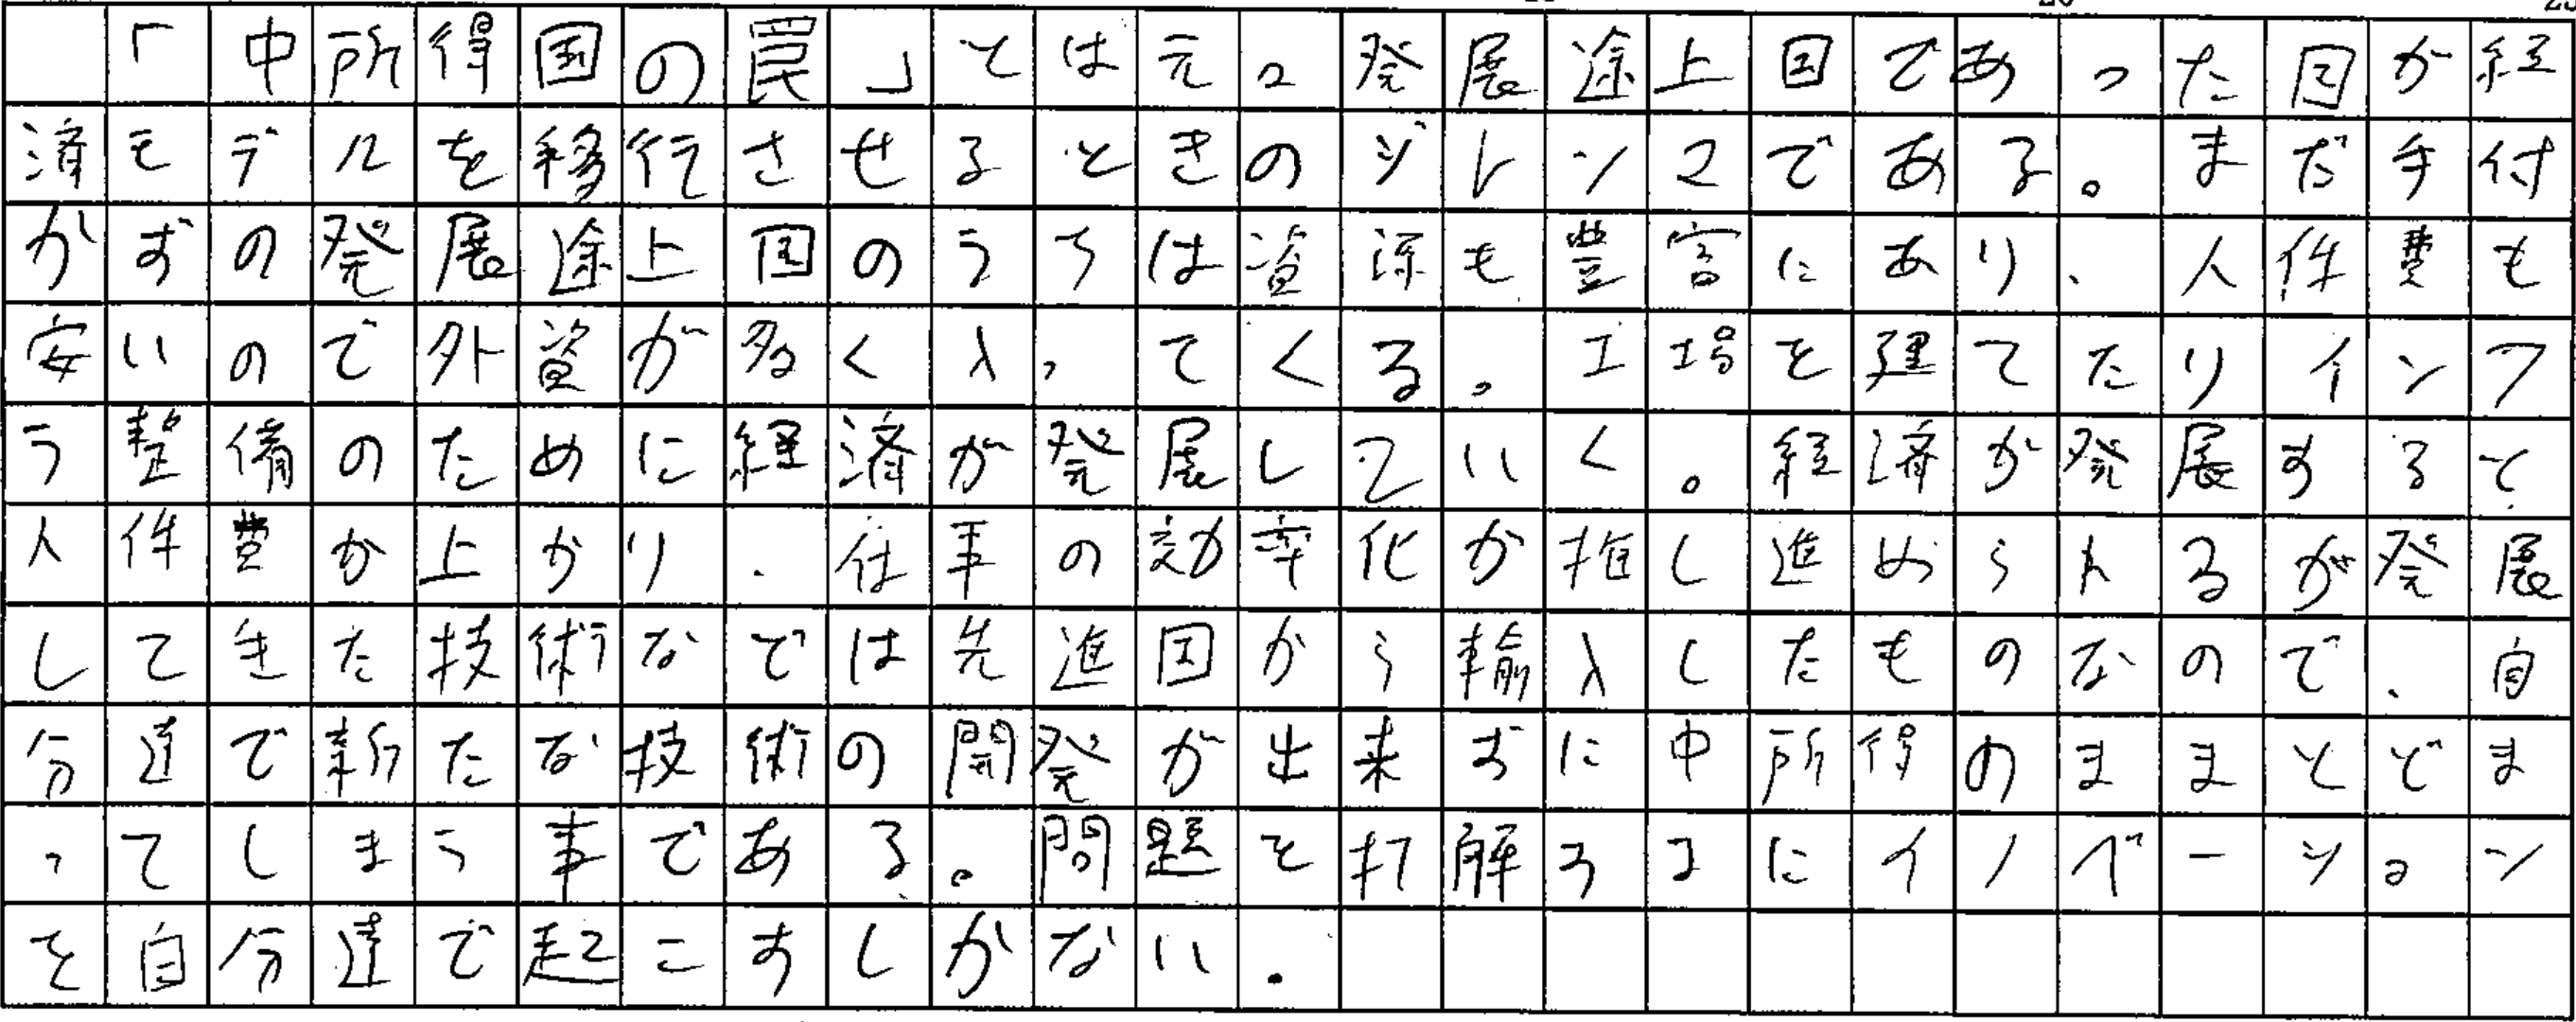　「中所得国の罠」とは元々発展途上国であった国が経済モデルを移行させるときのジレンマである。まだ手付かずの発展途上国のうちは資源も豊富にあり、人件費も安いので外資が多く入ってくる。工場を建てたりインフラ整備のために経済が発展していく。経済が発展すると人件費か上かり、仕事の効率化が推し進められるが発展してきた技術などは先進国から輸入したものなので、自分達で新たな技術の開発が出来ずに中所得のままとどまってしまう事である。問題を打解するにイノベーションを自分達で起こすしかない。
